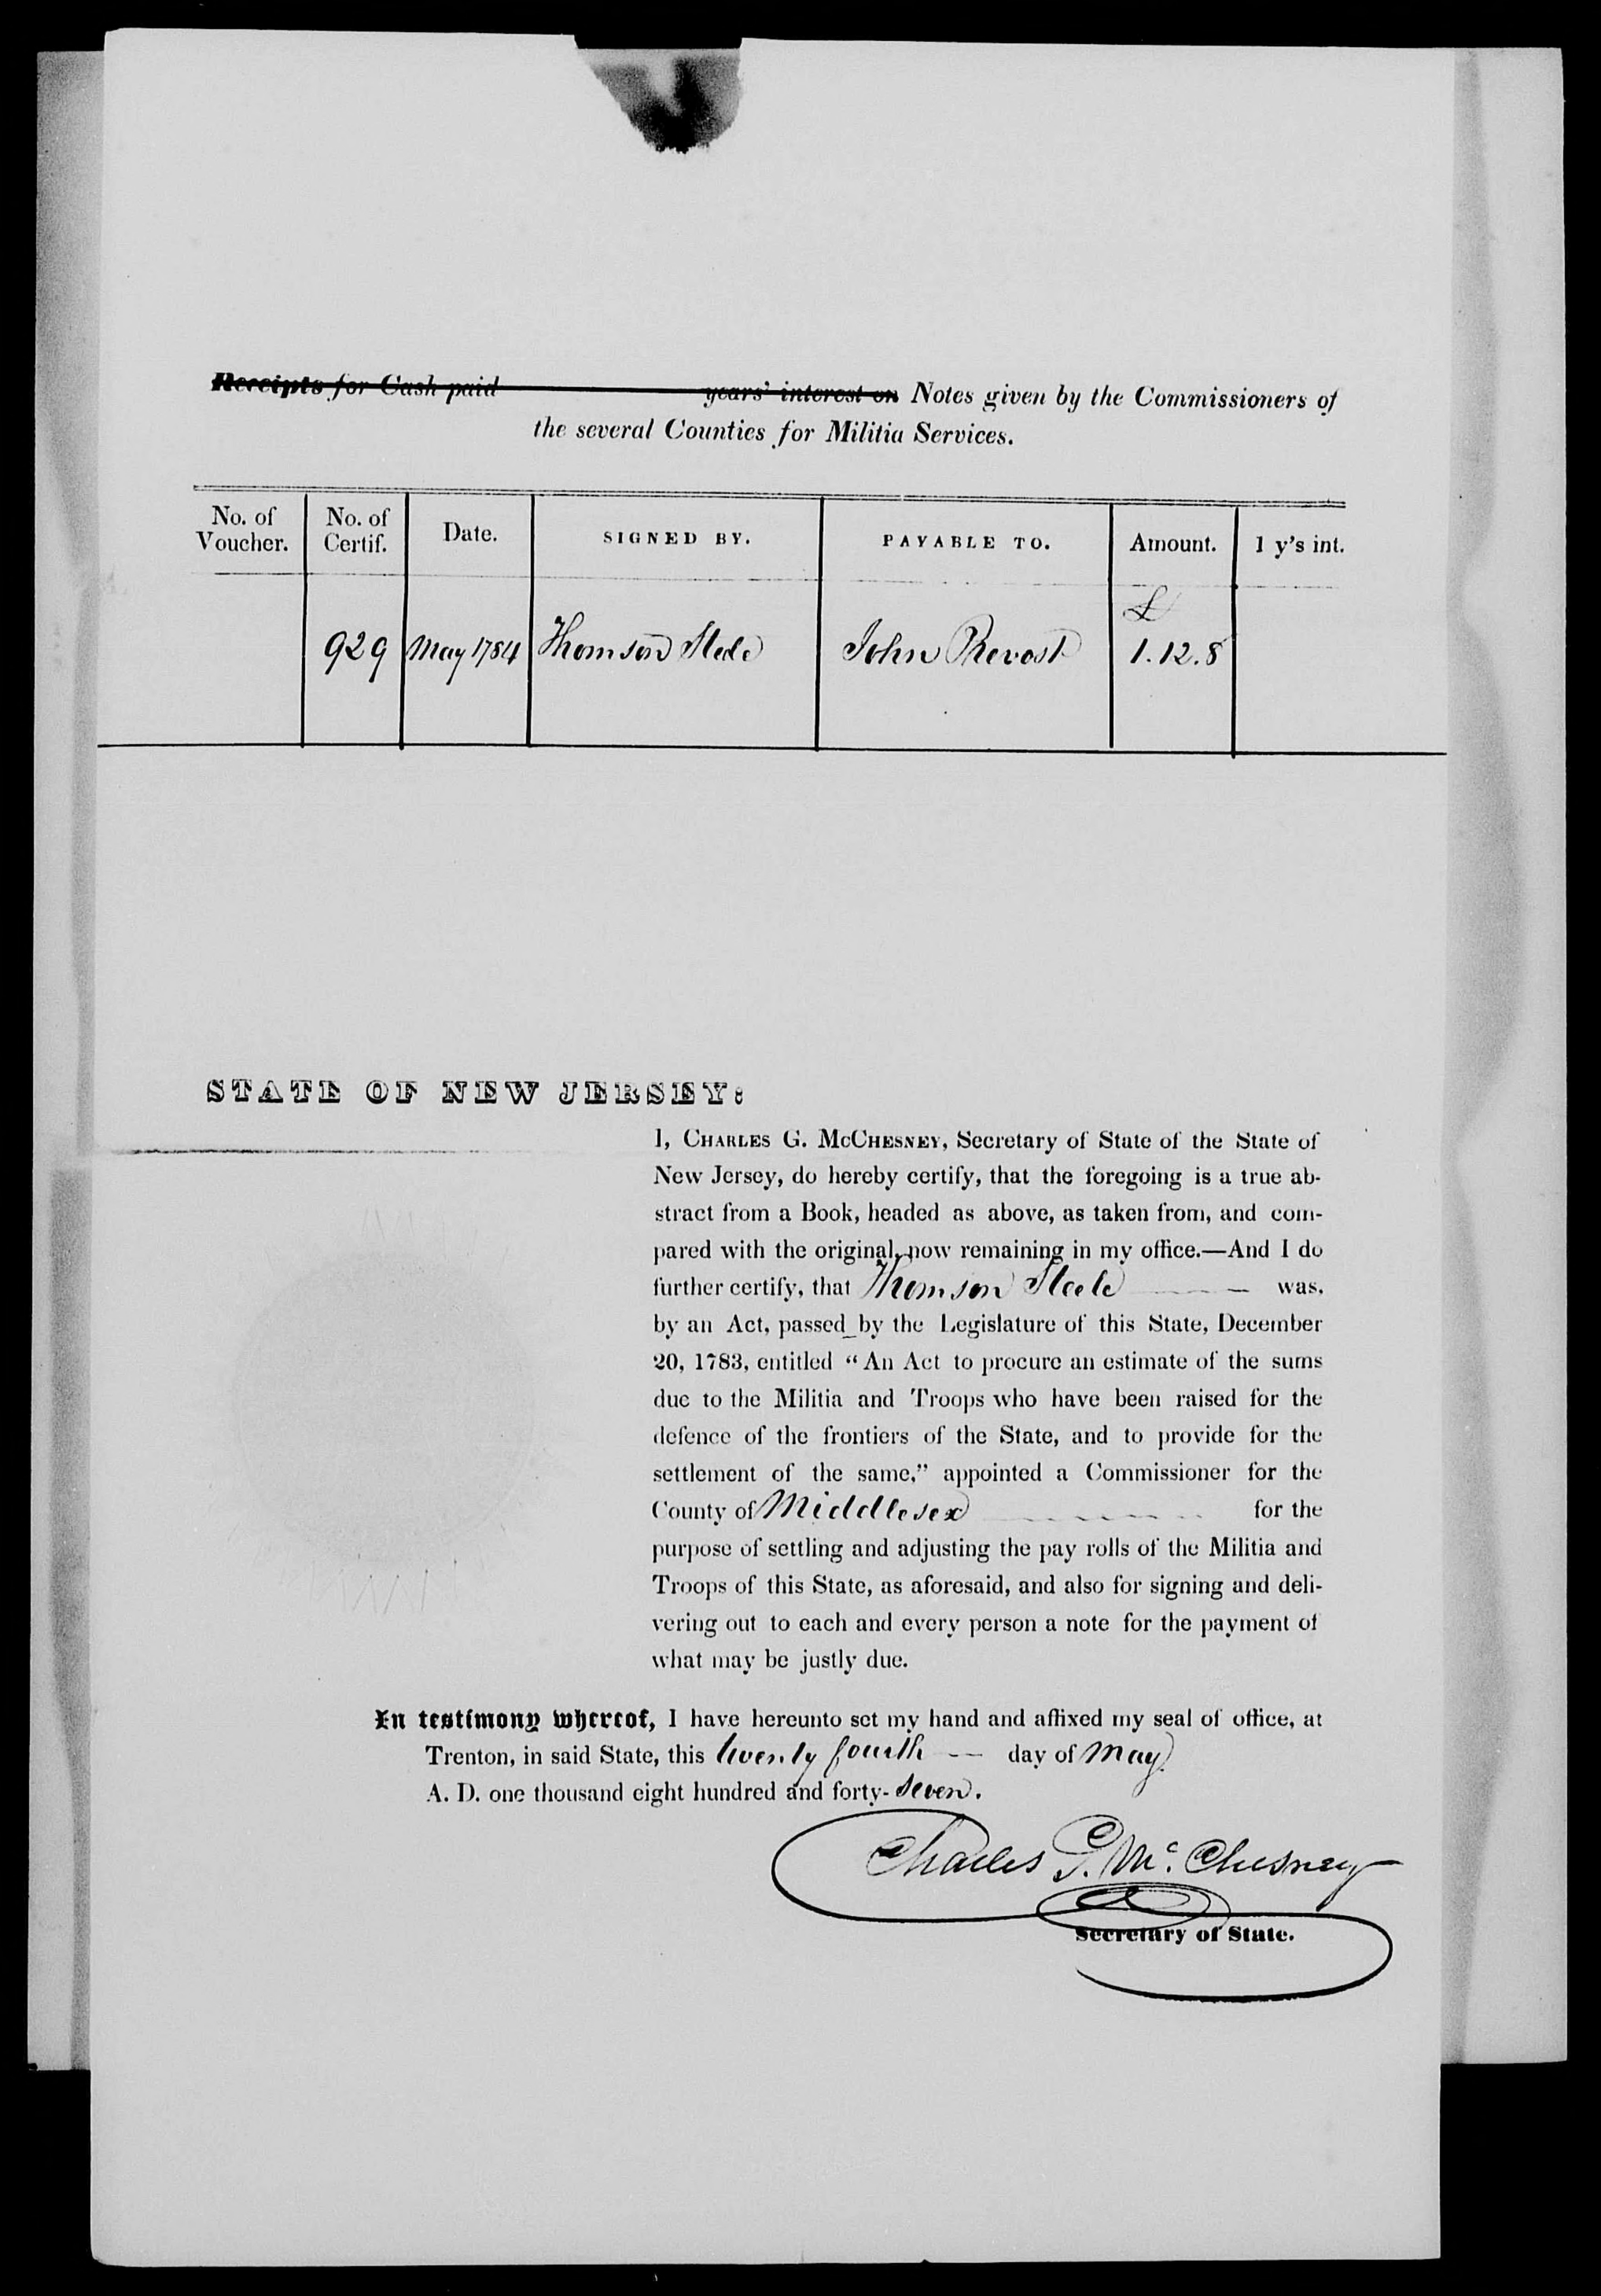[crossed out] Receipts for Cash paid years' interest on [/crossed out] Notes given by the Commissioners of the several Counties for Militia Services.

No. of Voucher | No. of Certif. 929 | SIGNED BY. Thomson Steele | PAYABLE TO. John Prevost | Amount 1.12.8 | 1 y's int.

State of New Jersey:
I, Charles G. McChesney, Secretary of State of the State of New Jersey, do hereby certify, that the foregoing is a true abstract from a Book, headed as above, as taken from, and compared with the original now remaining in my office. - And I do further certify, that Thomson Steele was, by an Act, passed by the Legislature of this State, December 20, 1783, entitled "An Act to procure an estimate of the sums due to the Militia and Troops who have been raised for the defence [defense] of the frontiers of the State, and to provide for the settlement of the same," appointed a Commissioner for the County of Middlesex for the purpose of settling and adjusting the pay rolls of the Militia and Troops of this State, as aforesaid, and also for signing and delivering out to each and every person a note for the payment of what may be justly due. 

In testimony whereof, I have hereunto set my hand and affixed my seal of office, at Trenton, in said Sate, the twenty fourth -- day of May A.D. one thousand eight hundred and forty-seven.

Charles G. McChesney
Secretary of State.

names: Thomson Stede; Charles G Mc Chesney; John Prevost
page: 11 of 19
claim: rejected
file: R. 8454, for John Provoost, New Jersey